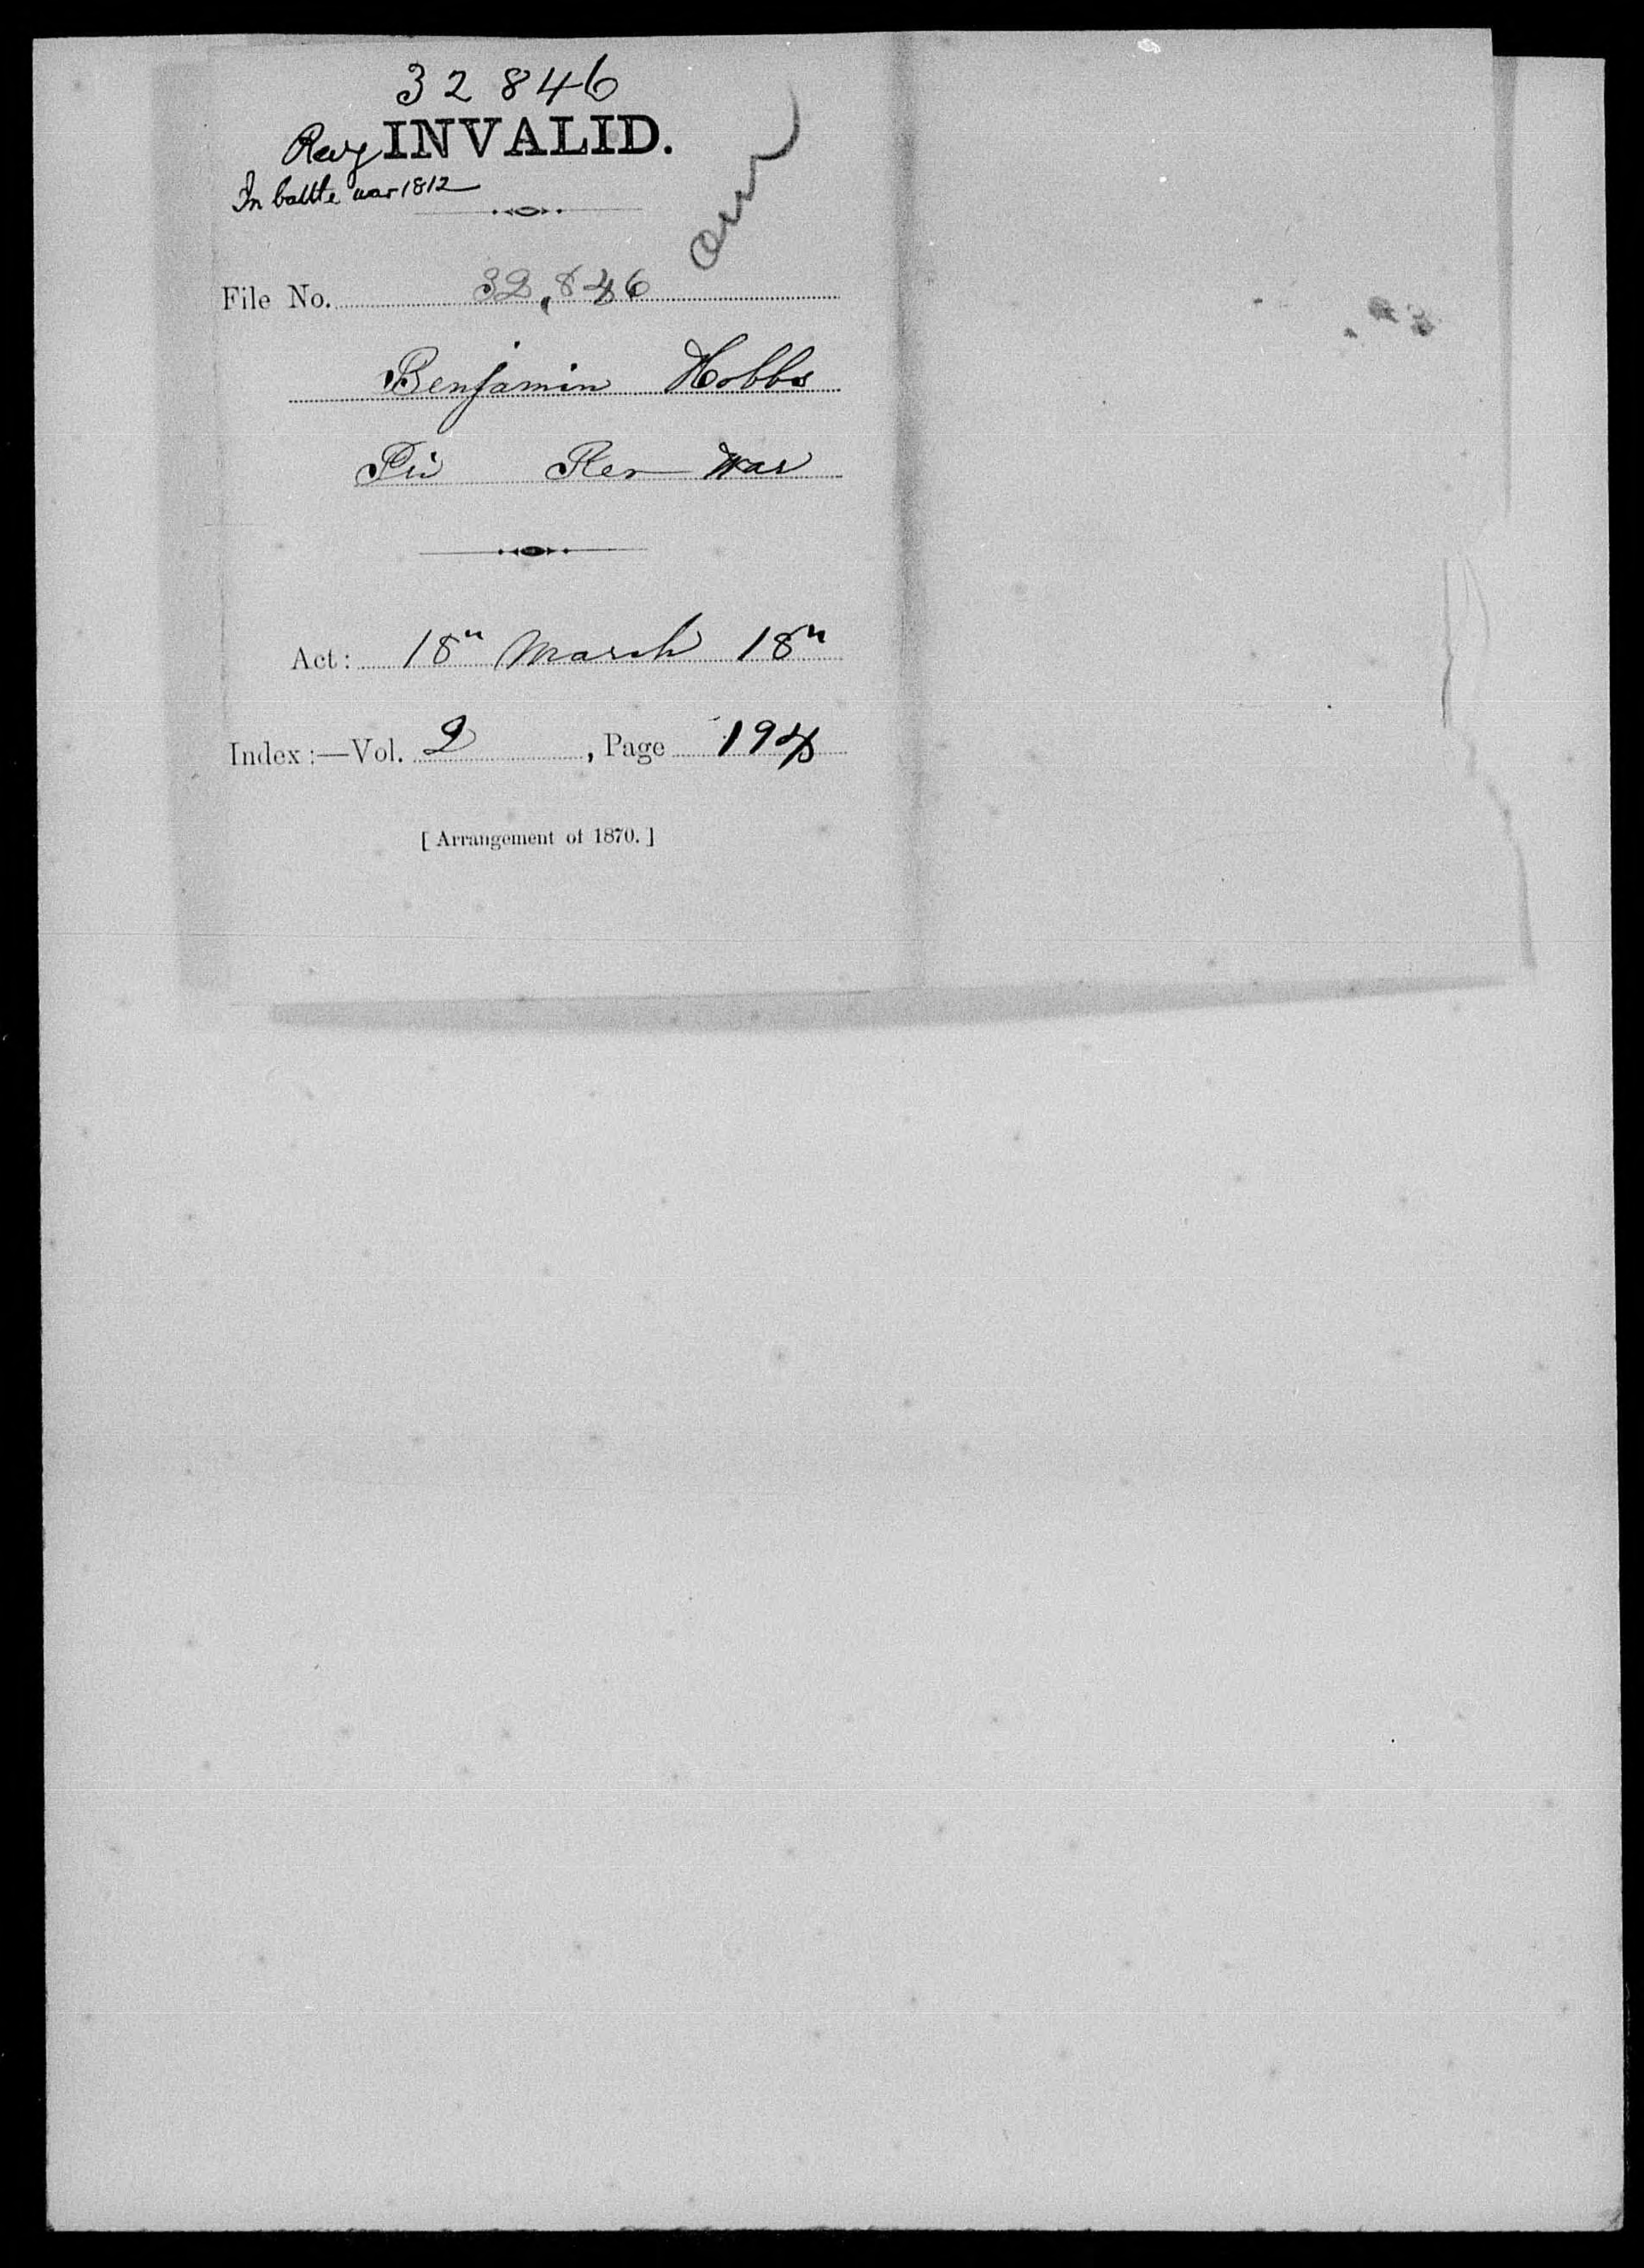32846

Revy INVALID.
In battle war 1812
-----
File No. 32.846 [in pencil rotated 70 degrees our]
Benjamin Hobbs
Pri Rev War
-----
Act : 18th March 18
Index : -Vol. 2, Page 194

[Arrangement of 1870.]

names: Benjamin Hobbs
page: 4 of 13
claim: survivor's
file: S. 32,846, Benjamin Hobbs, Continental Mass. & War Of 1812